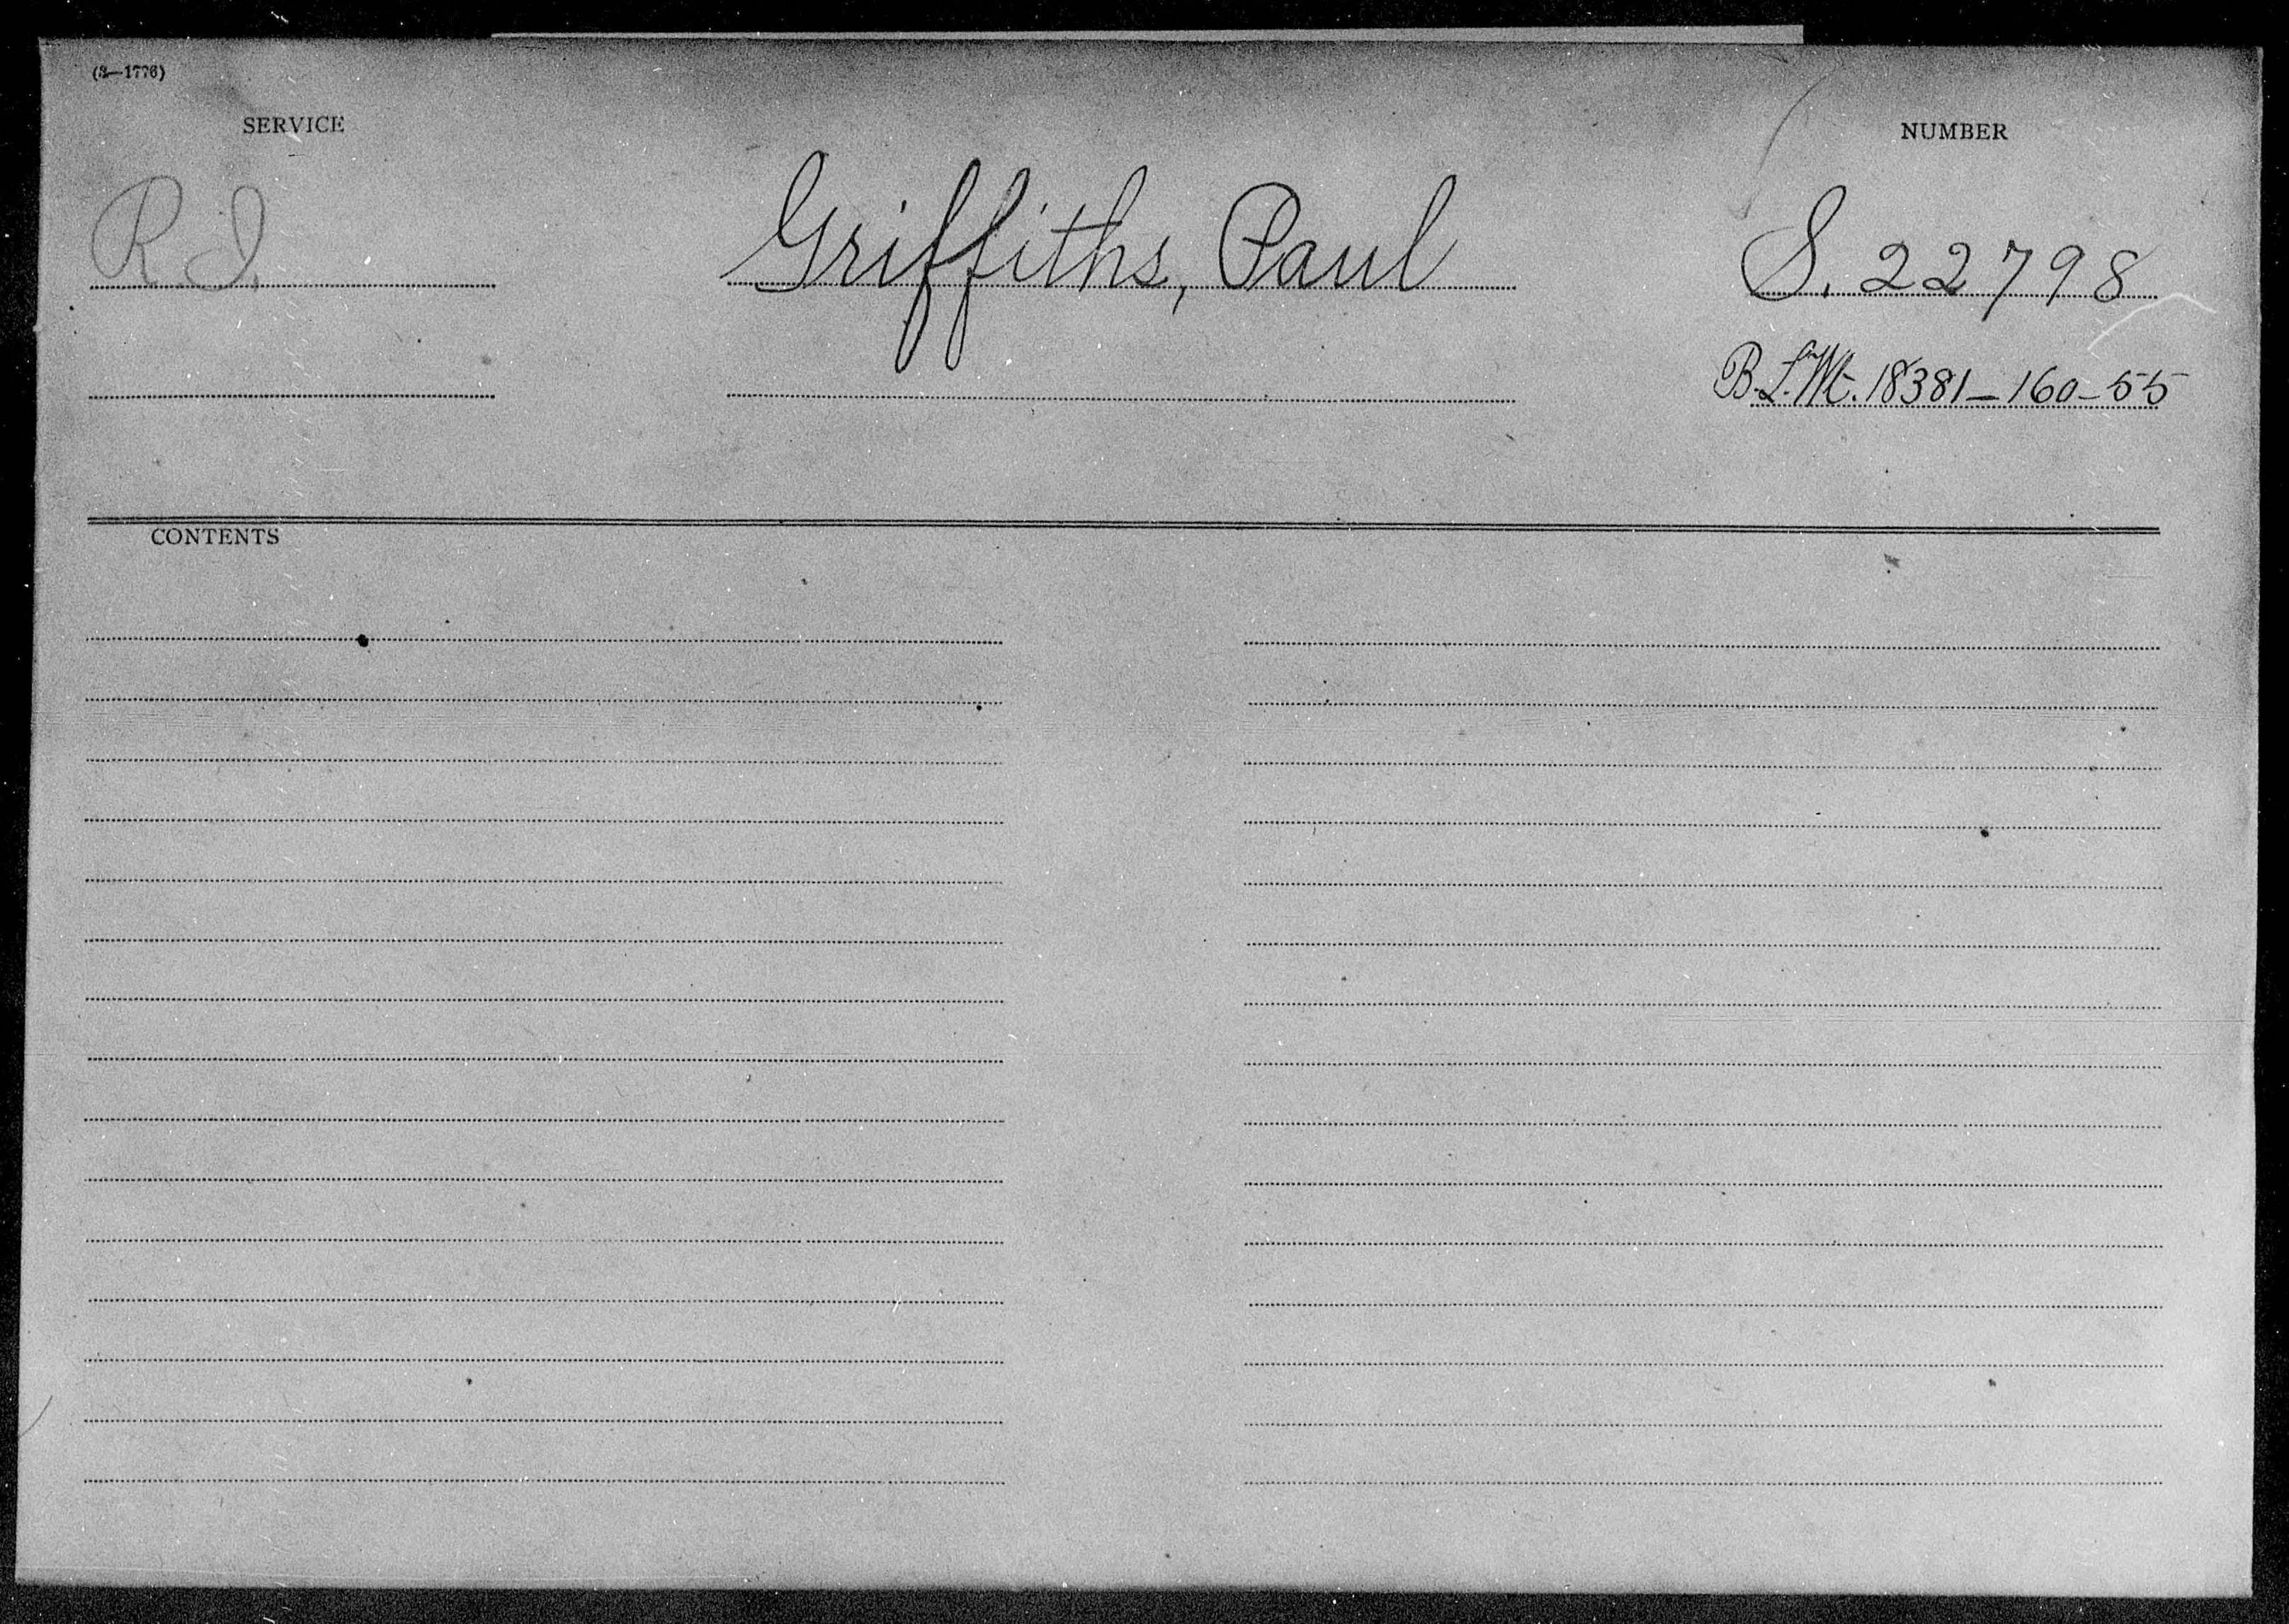(3-1776)

SERVICE
R.I.

Griffiths, Paul

NUMBER
S.22798
B.L.Wt.18381-160-55

CONTENTS
[blank]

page: 1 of 61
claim: survivor's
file: S. 22798, Paul Griffiths, R.I.